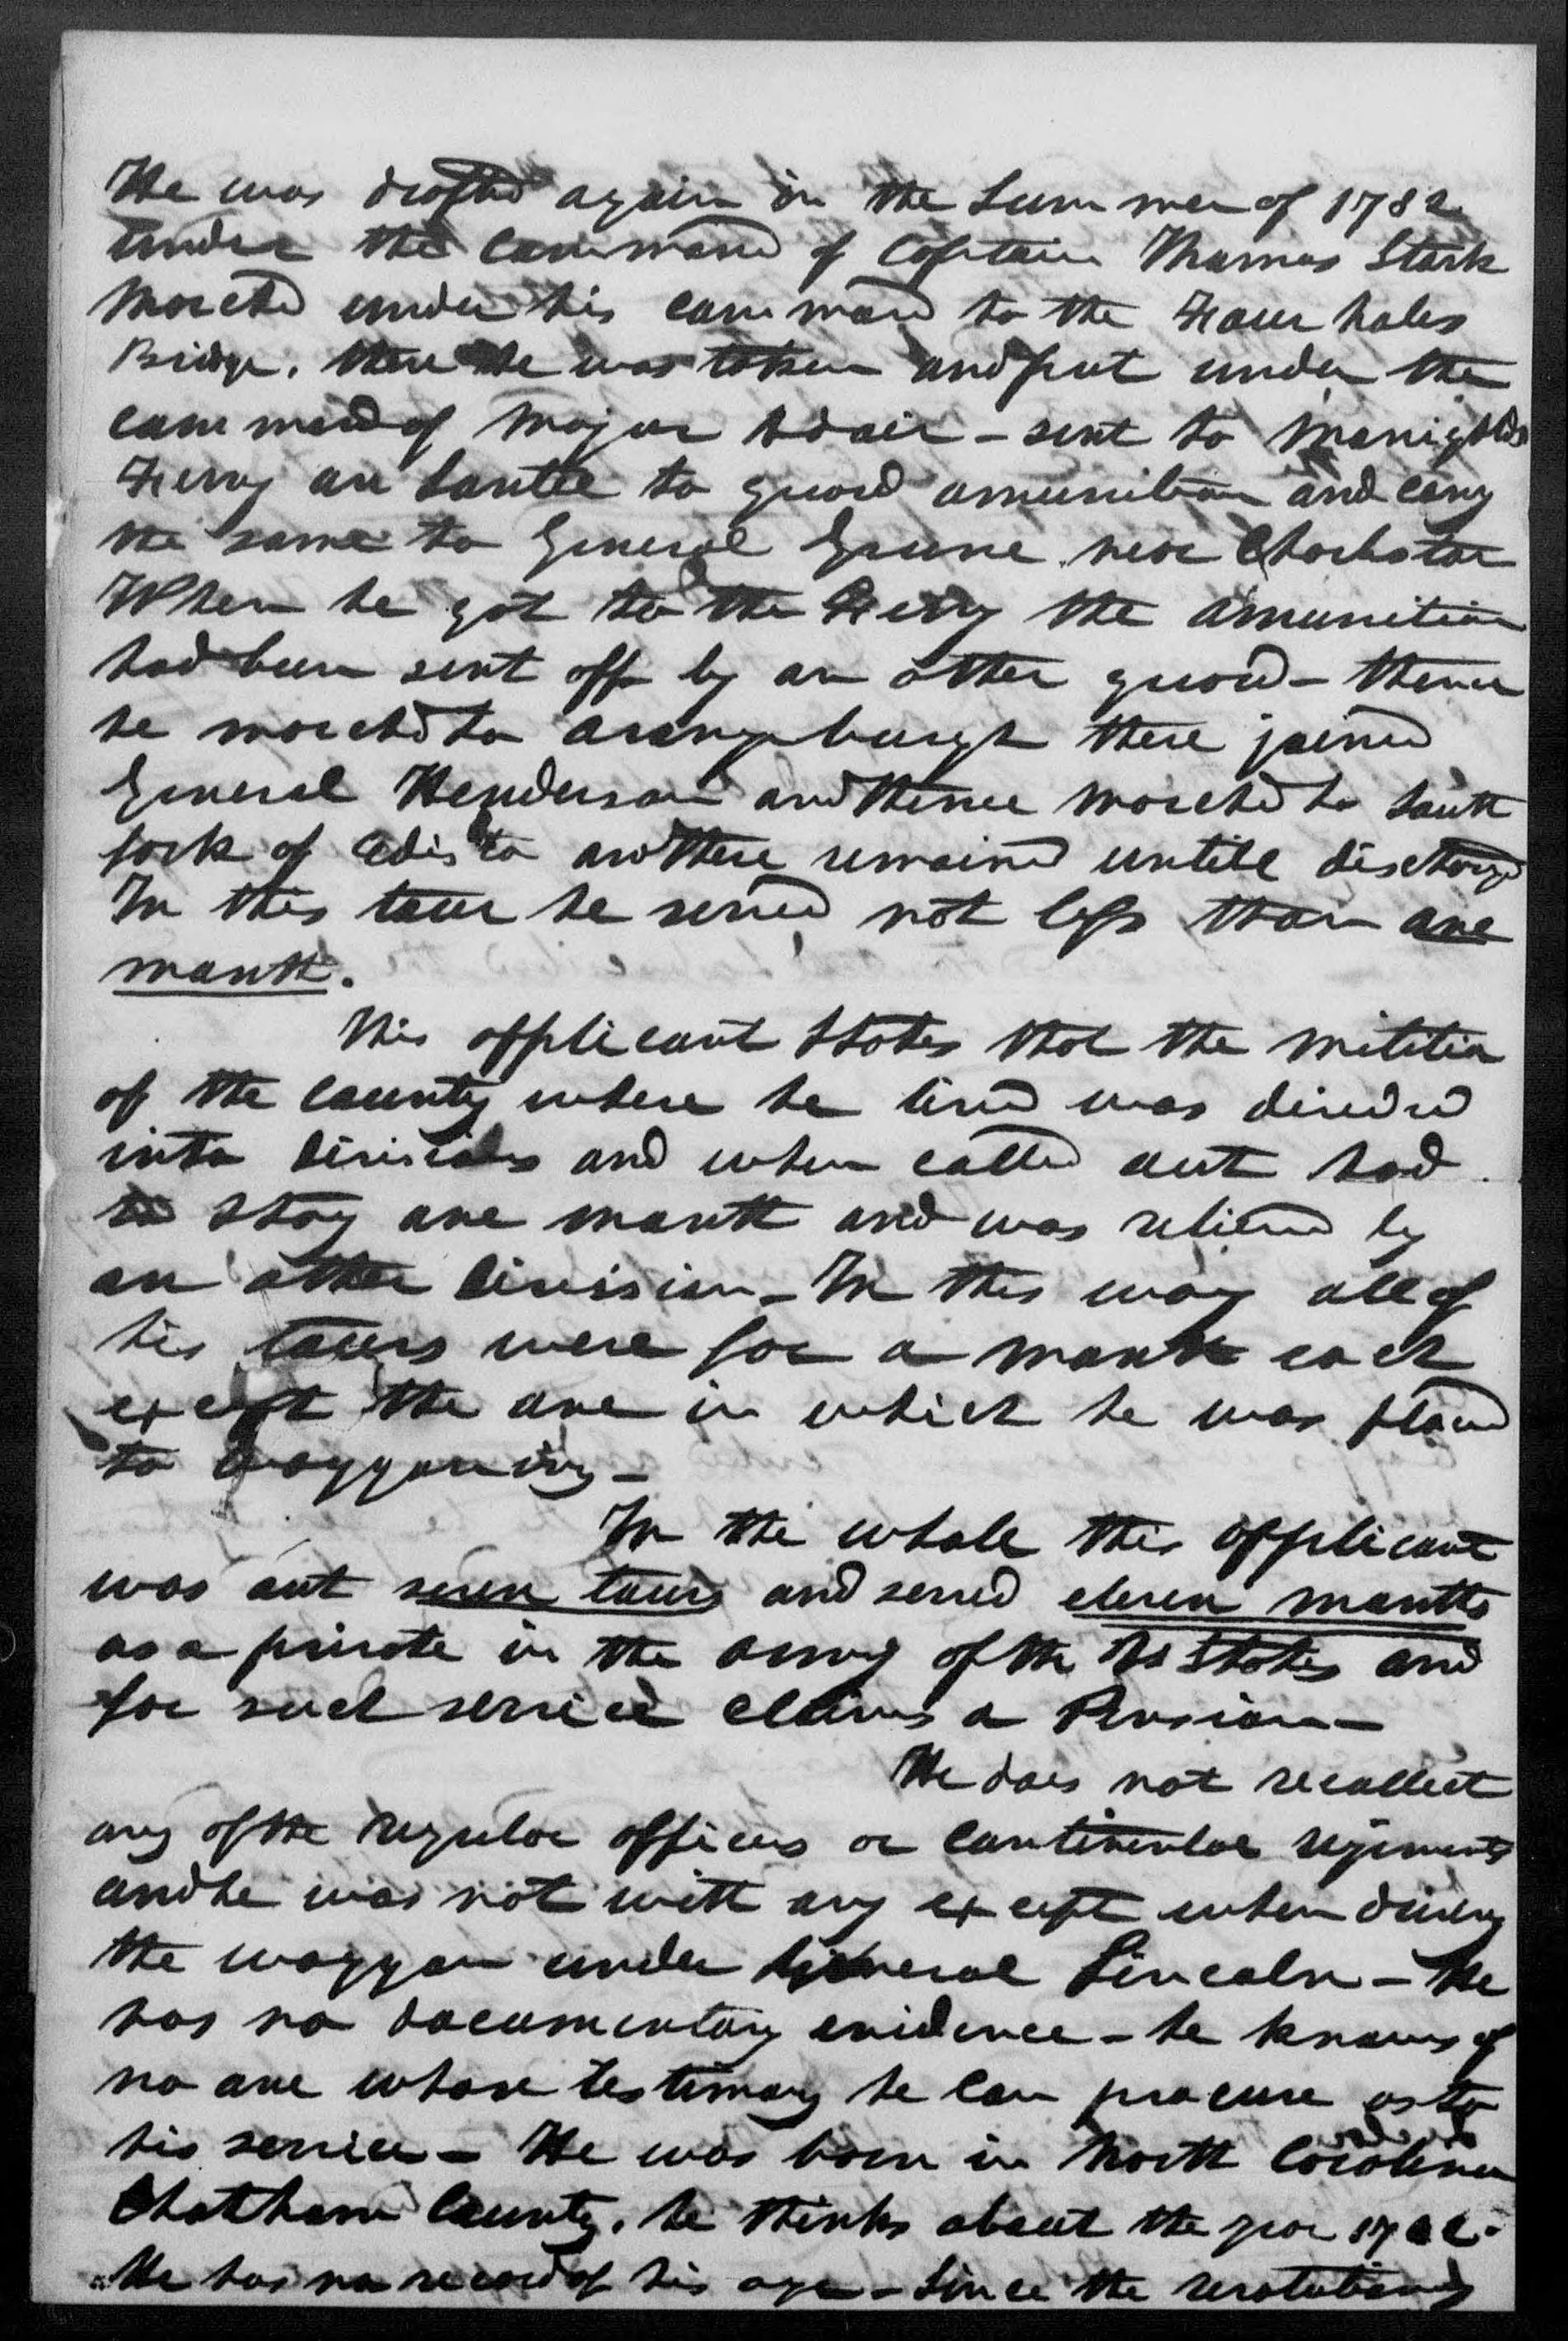He was drafted again in the summer of 1782  under the command of Captain Thomas Stark marched under his command to the Four holes Bridge, then he was taken and put under the command of Major Adair - sent to Marigolds Ferry on Santee to guard ammunition and carry  the same to General Greene near Charleston. When he got to the ferry the ammunition had been sent off by another guard - thence he marched to Orangeburg there joined General Henderson and thence marched to South fork of Edisto and there remained until discharged. In this tour he served not less that ( one month ) ( underscored ). This applicant states that the militia of the County where he lived was divided into  divisions and when called out would stay one month and was relieved by another division - In this way all of his tours were for a month each  except the one  which he was placed to wagoning- In the whole this applicant was out  ( seven tours ) ( underscored ) and served ( eleven months ) ( underscored ) as a private in the army of the  U States and for such service claims a Pension-He does not recollect any of the regular officers or Continental  regiments and he was not with any except when driving the wagons under General Lincoln - He has no  documentary evidence - he knows of no one whose testimony he can procure as to his service - He was born in North Carolina  Chatham County . he thinks about the year 1762 (?) He has no record of his age - since the revolutionary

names: Greene, Thomas Stark, Henderson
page: 6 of 26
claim: survivor's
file: S. 21105, Greenbery Caps, S.C.